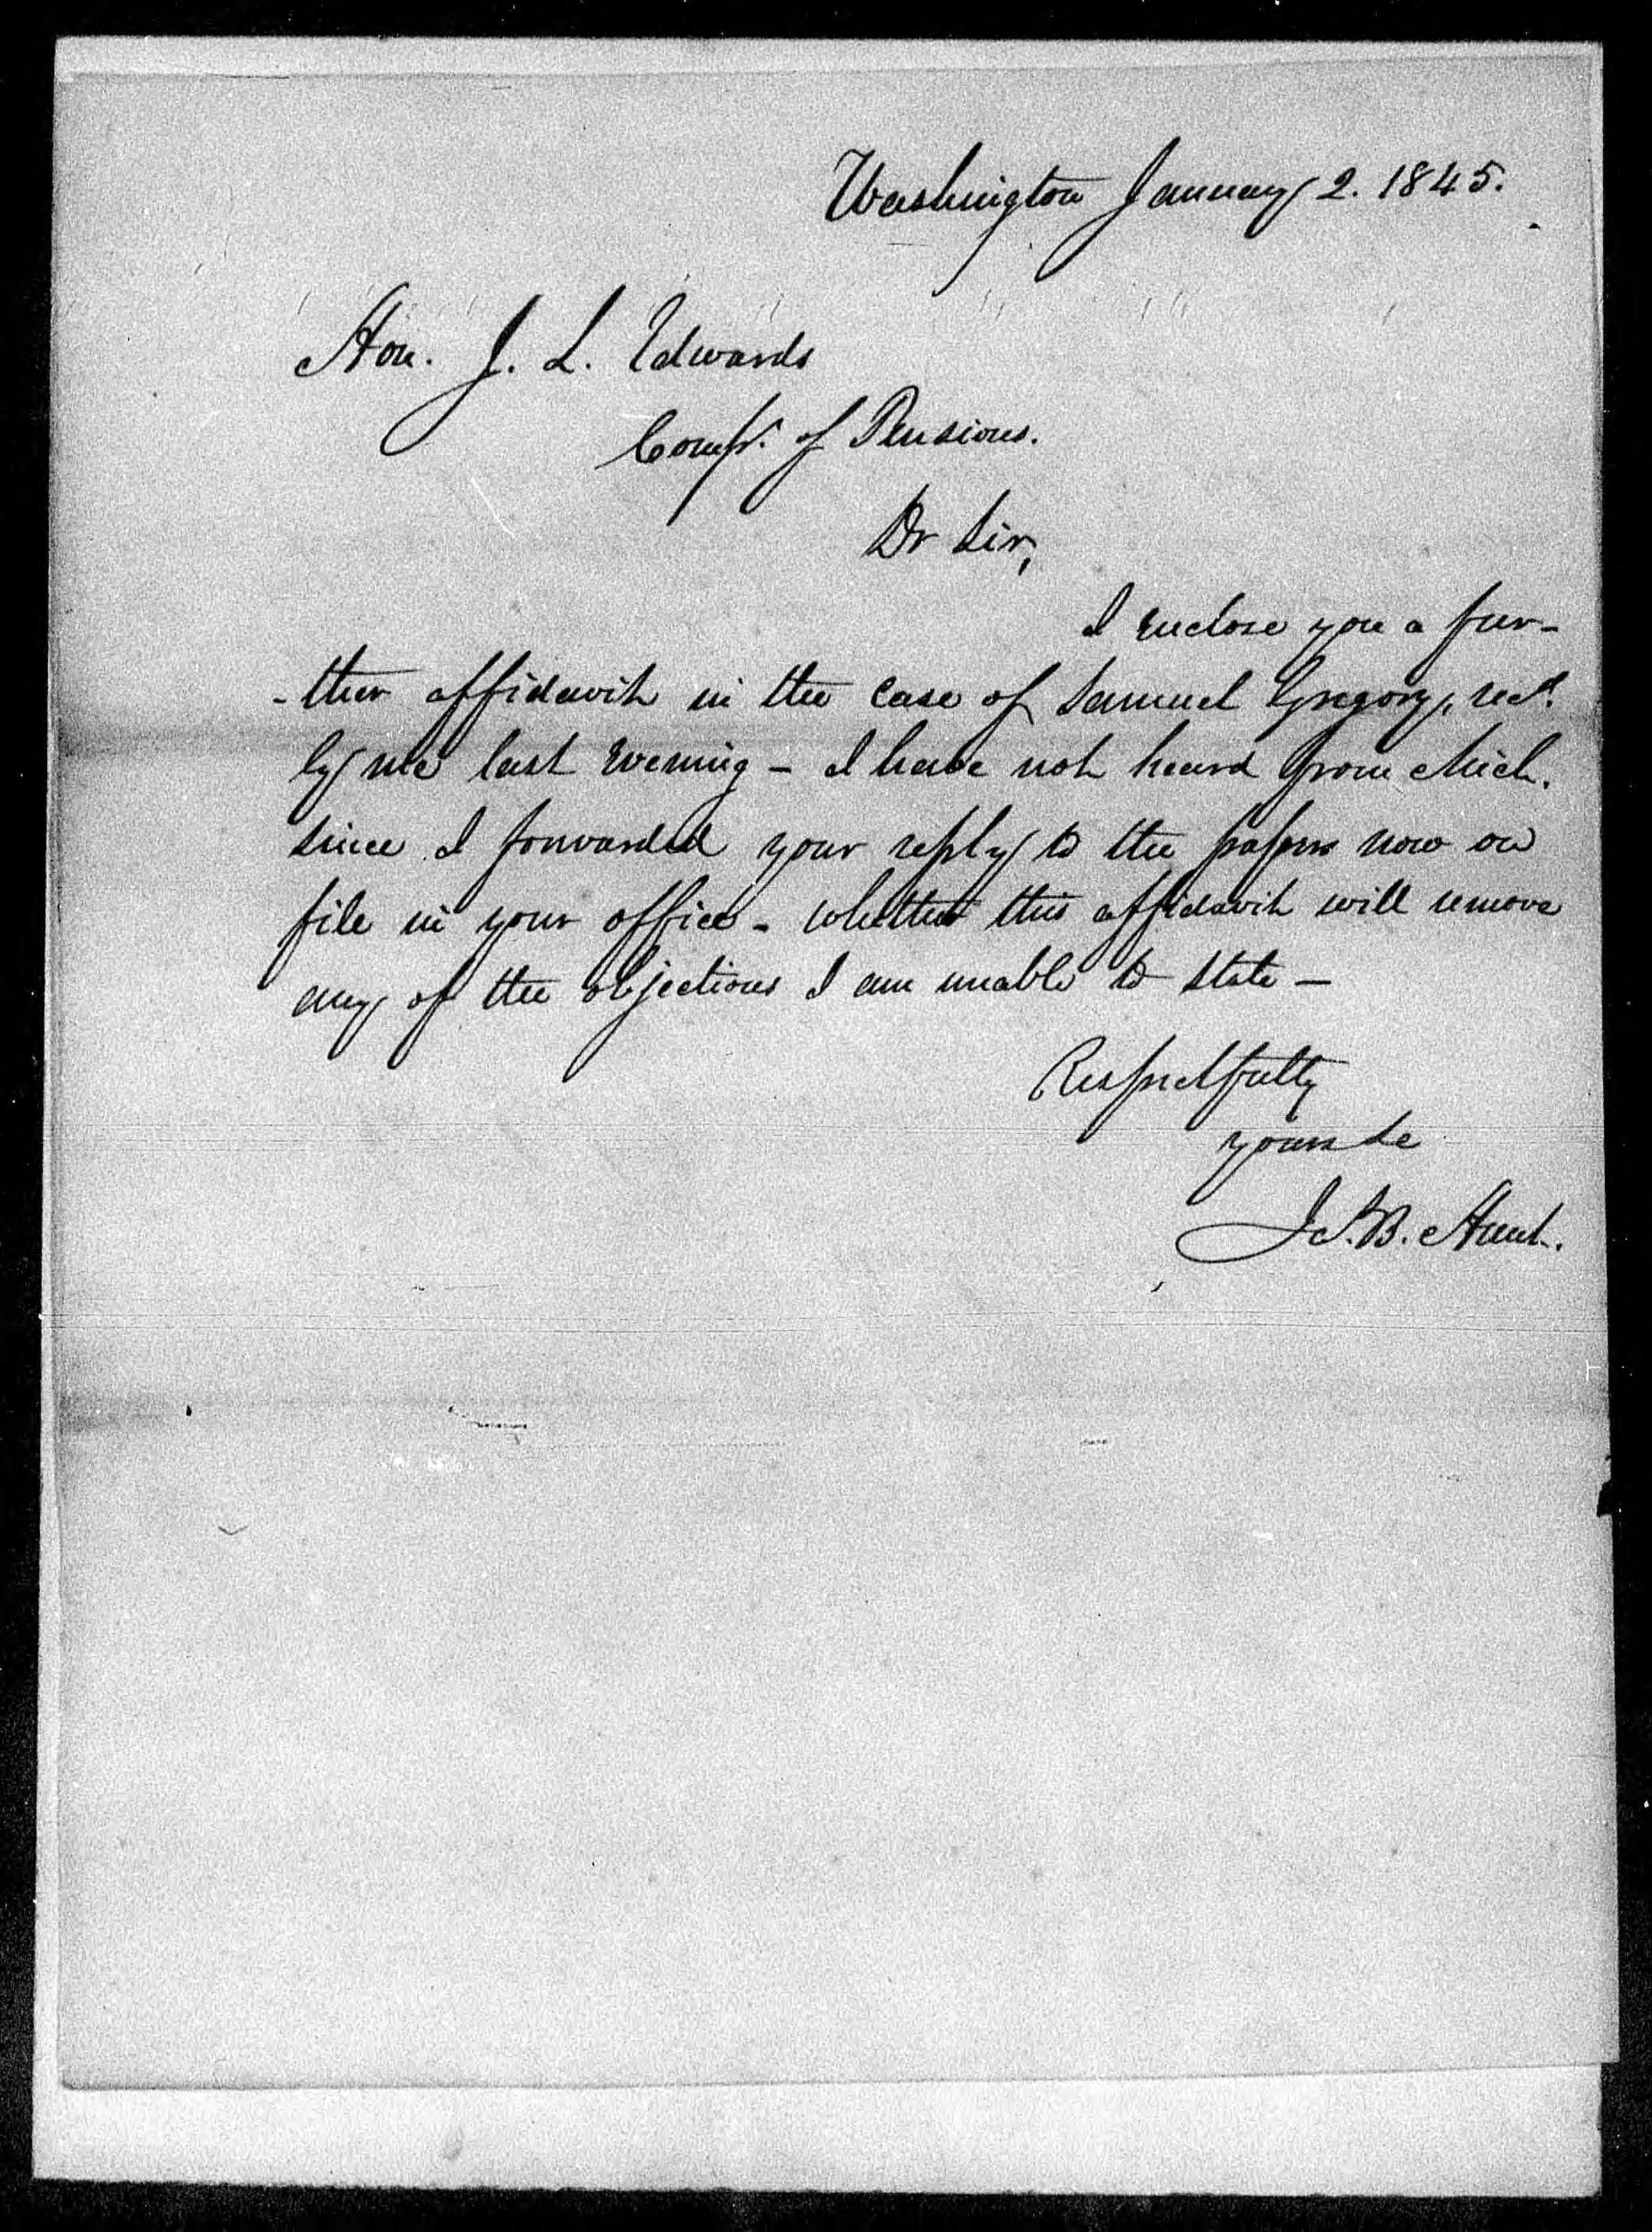Washington January 2. 1845.

Hon. J. L. Edwards
Comsr. of Pensions.

Dr Sir,

I enclose you a further affidavit in the case of Samuel Gregory, really me last [illegible] - I have not heard from Mich. since I forwarded your reply to the papers now on file in your office. Whether the affidavit will remove any of the objections I am unable to state -

Respectfully
yours 

Jas B. Hunt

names: Samuel Gregory, J L Edwards, Jas B Hunt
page: 53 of 66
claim: rejected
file: R. 4298, Samuel Gregory, New York